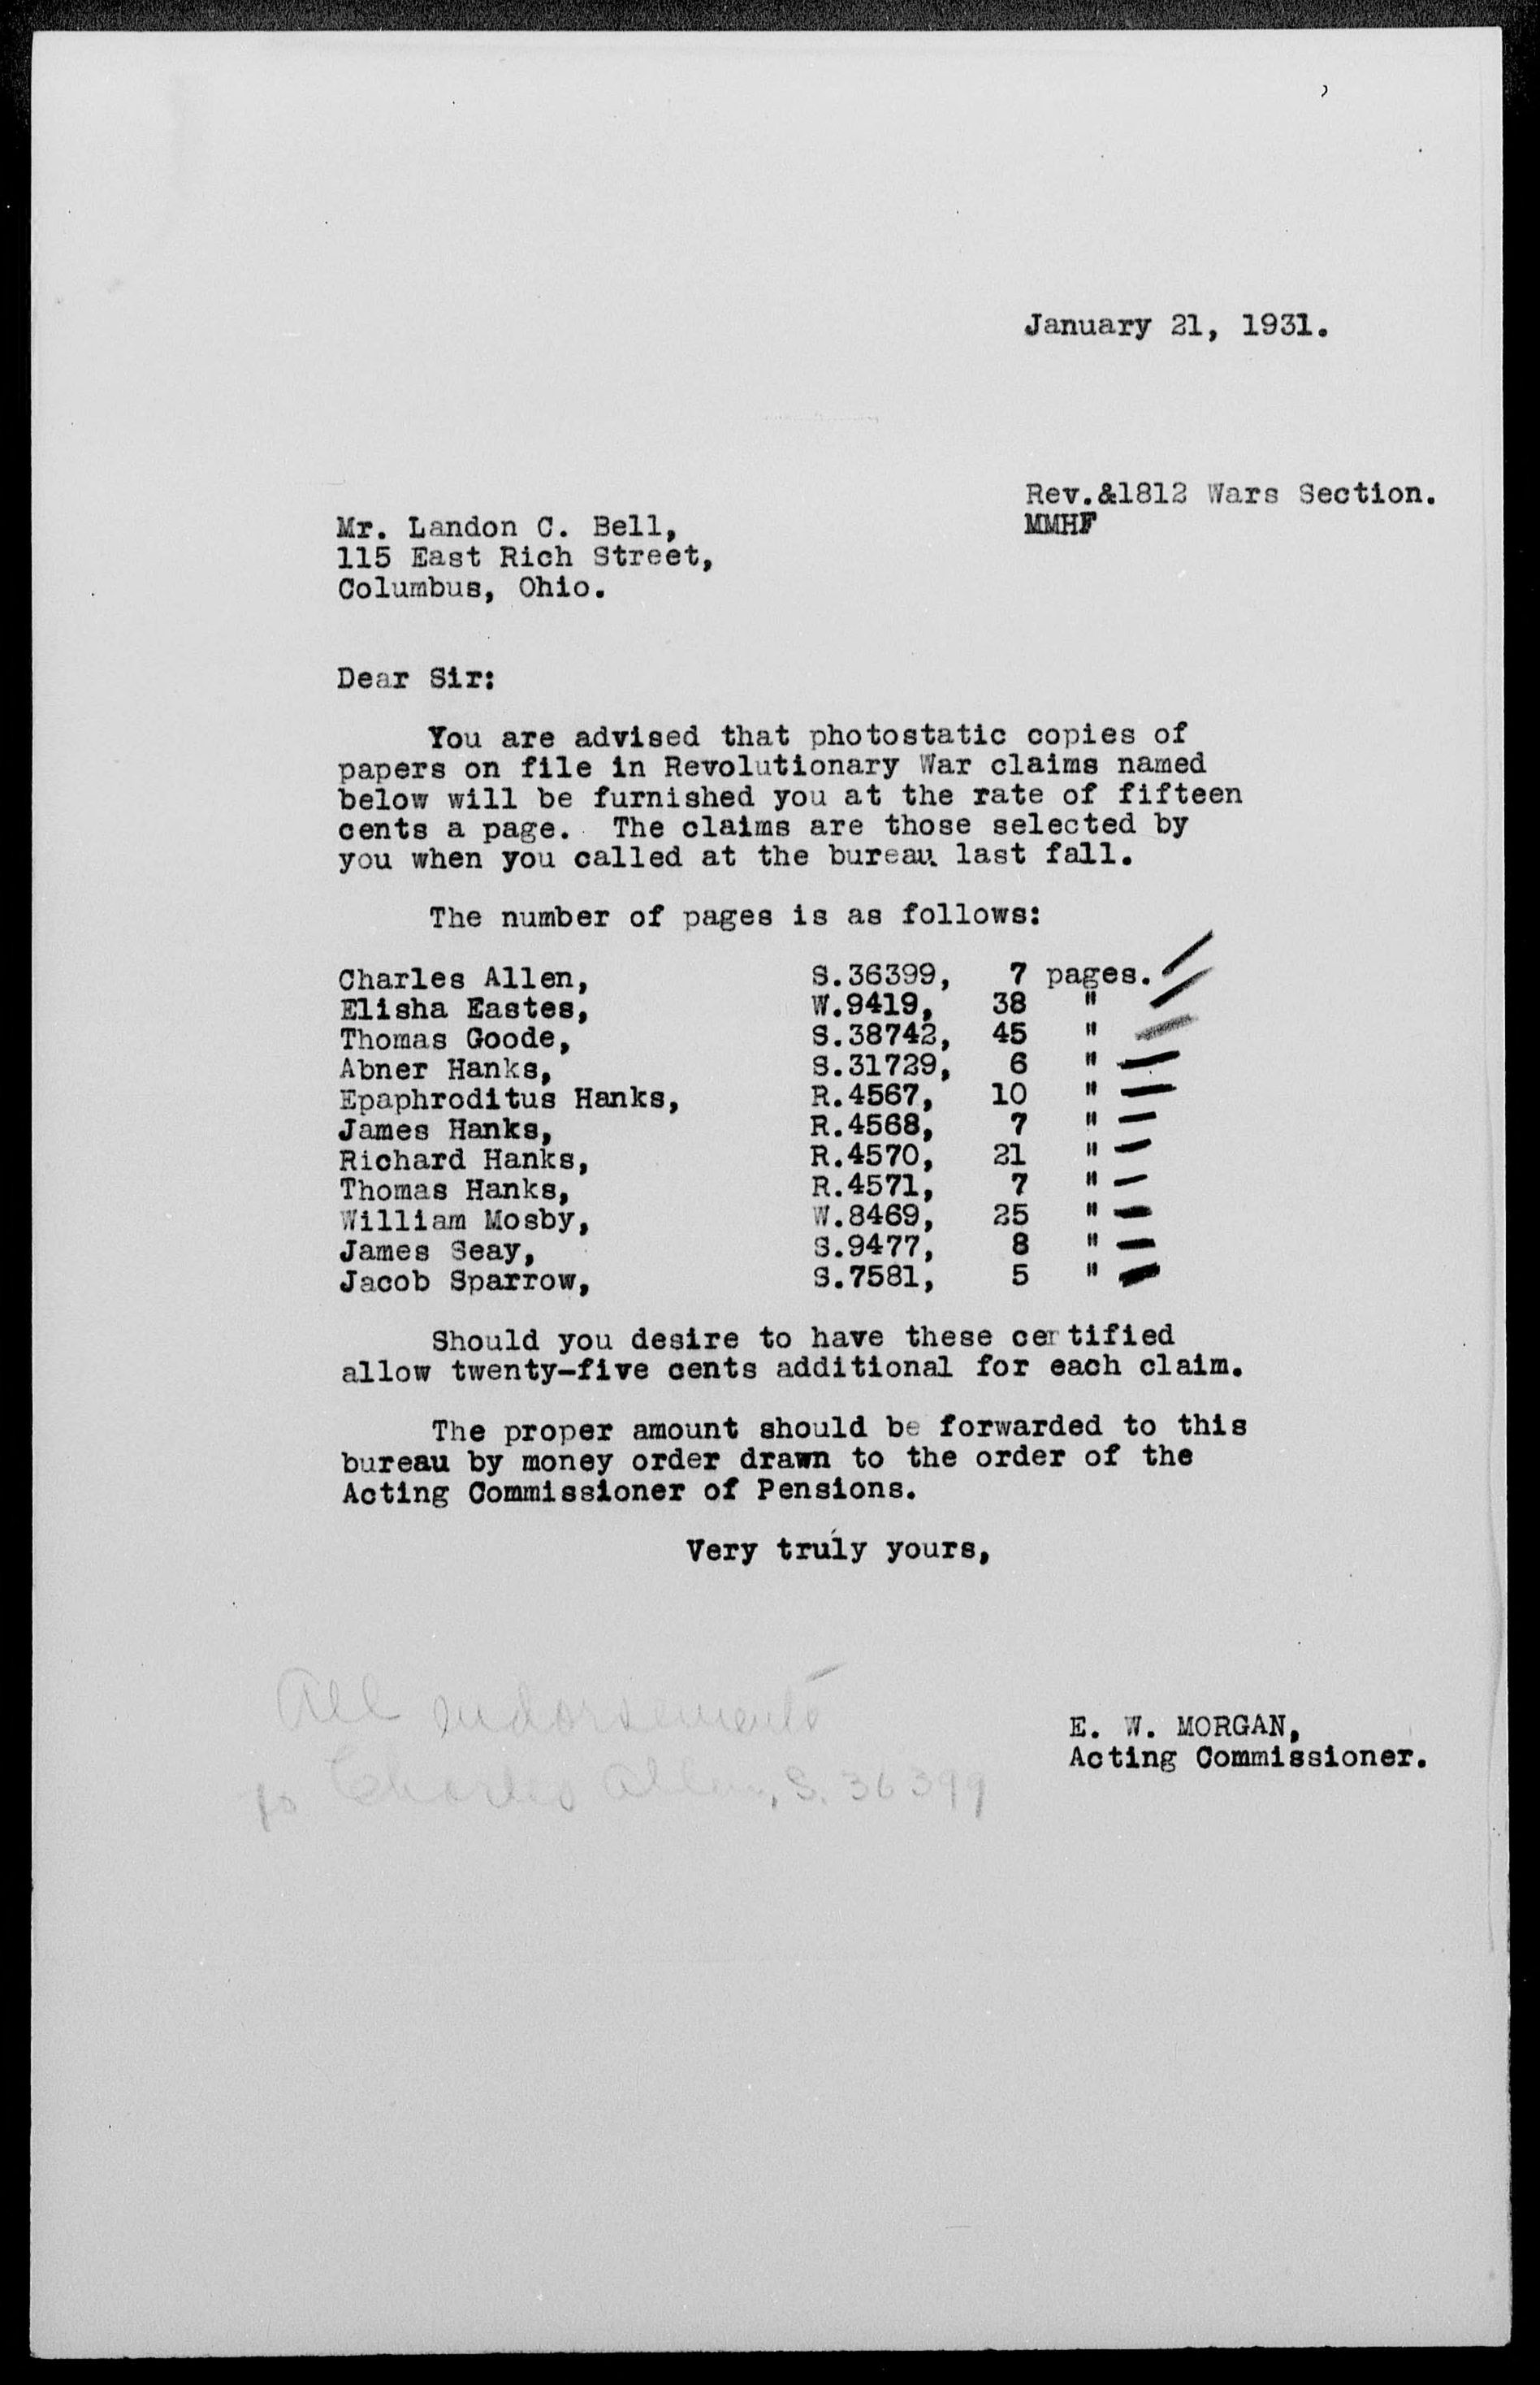January 21, 1931.
Rev.&1812 Wars Section.
MMHF
Mr. Landon C. Bell,
115 East Rich Street,
Columbus, Ohio.
Dear Sir:
You are advised that photostatic copies of papers on file in Revolutionary War claims named below will be furnished you at the rate of fifteen cents a page. The claims are those selected by you when you called at the bureau last fall.
The number of pages is as follows:
Charles Allen, S.36399, 7 pages.
Elisha Eastes, W.9419, 38 "
Thomas Goode, S.38742, 45 "
Abner Hanks, S.31729, 6 "
Epaphroditus Hanks, R.4567, 10 "
James Hanks, R.4568, 7 "
Richard Hanks, R.4570, 21 "
Thomas Hanks, R.4571, 7 "
William Mosby, W.8469, 25 "
James Seay, S.9477, 8 "
Jacob Sparrow, S.7581, 5 "
Should you desire to have these certified allow twenty-five cents additional for each claim.
The proper amount should be forwarded to this bureau by money order drawn to the order of the Acting Commissioner of Pensions.
Very truly yours,
E. W. MORGAN, Acting Commissioner.
All endorsements to Charles Allen, S. 36399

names: William Mosby, Epaphroditus Hanks, Richard Hanks, Elisha Eastes, Landon C Bell, E W Morgan, Jacob Sparrow, Charles Allen, James Seay, James Hanks, Thomas Goode, Thomas Hanks, Abner Hanks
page: 21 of 22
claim: survivor's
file: S. 36399, Charles Allen, Va.